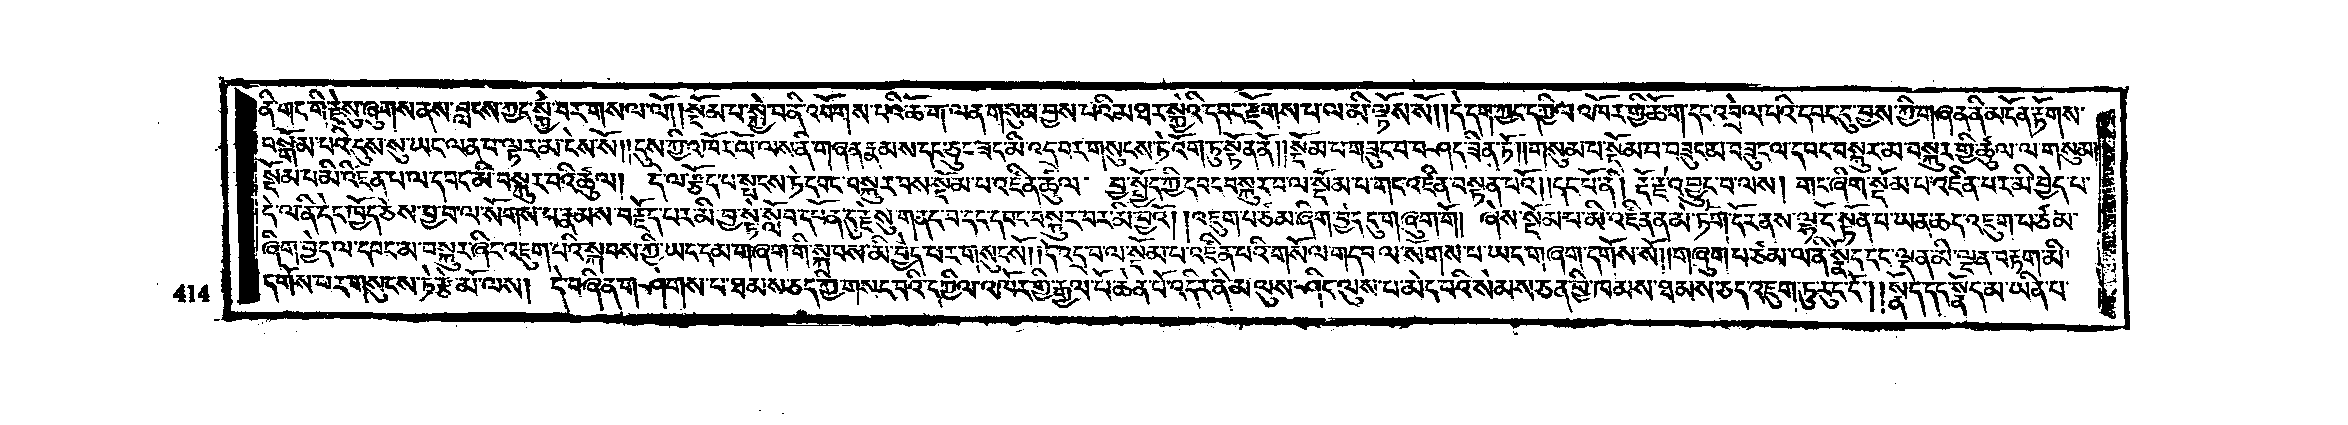ནི་གང་གི་རྗེས་སུ་ཞུགས་ནས་བླངས་ཀྱང་སྐྱེ་བར་གསལ་ལོ། །སྡོམ་པ་སྐྱེ་བ་ནི་འབོགས་པའི་ཆོ་ག་ལན་གསུམ་བྱས་པའི་མཐར་སྐྱེའི་དབང་རྫོགས་པ་ལ་མི་ལྟོས་སོ། །དེ་དག་ཀྱང་དཀྱིལ་འཁོར་གྱི་ཆོ་ག་དང་འབྲེལ་པའི་དབང་དུ་བྱས་ཀྱི་གཞན་ནི་མངོན་རྟོགས་
བསྒོམ་པའི་དུས་སུ་ཡང་ལན་པ་ལྟར་མ་ངེས་སོ། །དུས་ཀྱི་འཁོར་ལོ་ལས་ནི་གཞན་རྣམས་དང་ཅུང་ཟད་མི་འདྲ་བར་གསུངས་ཏེ་འོག་ཏུ་སྟོན་ནོ། །སྡོམ་པ་གཟུང་བ་བཤད་ཟིན་ཏོ། །གསུམ་པ་སྡོམ་པ་བཟུང་མ་བཟུང་ལ་དབང་བསྐུར་མ་བསྐུར་གྱི་ཚུལ་ལ་གསུམ་
སྡོམ་པ་མི་འཛིན་པ་ལ་དབང་མི་བསྐུར་བའི་ཚུལ། དེ་ལ་རྩོད་པ་སྤངས་ཏེ་དབང་བསྐུར་བས་སྡོམ་པ་འཛིན་ཚུལ་བྱ་སྤྱོད་ཀྱི་དབང་བསྐུར་བ་ལ་སྡོམ་པ་གང་འཛིན་བསྟན་པའོ། །དང་པོ་ནི། རྡོ་རྗེ་འབྱུང་བ་ལས། གང་ཞིག་སྡོམ་པ་འཛིན་པར་མི་བྱེད་པ་
དེ་ལ་ནི་དེང་ཁྱོད་ཅེས་བྱ་བ་ལ་སོགས་པ་རྣམས་བརྗོད་པར་མི་བྱ་སྟེ་སློབ་དཔོན་དུ་རྗེས་སུ་གནང་བ་དང་དབང་བསྐུར་བར་མི་བྱའོ། །འཇུག་པ་ཙམ་ཞིག་བྱེད་དུ་གཞུག་གོ། ཞེས་སྡོམ་པ་མི་འཛིན་ན་མེ་ཏོག་དོར་ནས་ལྷ་ངོ་སྟོན་པ་ཡན་ཆད་འཇུག་པ་ཙམ་
ཞིག་བྱེད་ལ་དབང་མ་བསྐུར་ཞིང་འཇུག་པའི་སྐབས་ཀྱི་ཡང་དམ་གཞག་གི་སྐབས་མི་བྱེད་པར་གསུངས་སོ། །དེ་འདྲ་བ་ལ་སྡོམ་པ་འཛིན་པའི་གསོལ་གདབ་ལ་སོགས་པ་ཡང་གཞག་དགོས་སོ། །གཞུག་པ་ཙམ་ལ་ནི་སྣོད་དང་ལྡན་མི་ལྡན་བརྟག་མི་
དགོས་པར་གསུངས་ཏེ་རྩེ་མོ་ལས། དེ་བཞིན་གཤེགས་པ་ཐམས་ཅད་ཀྱི་གསང་བའི་དཀྱིལ་འཁོར་གྱི་རྒྱལ་པོ་ཆེན་པོ་འདིར་ནི་མ་ལུས་ཤིང་ལུས་པ་མེད་པའི་སེམས་ཅན་གྱི་ཁམས་ཐམས་ཅད་འཇུག་ཏུ་རུང་ངོ། །སྣོད་དང་སྣོད་མ་ཡིན་པ་